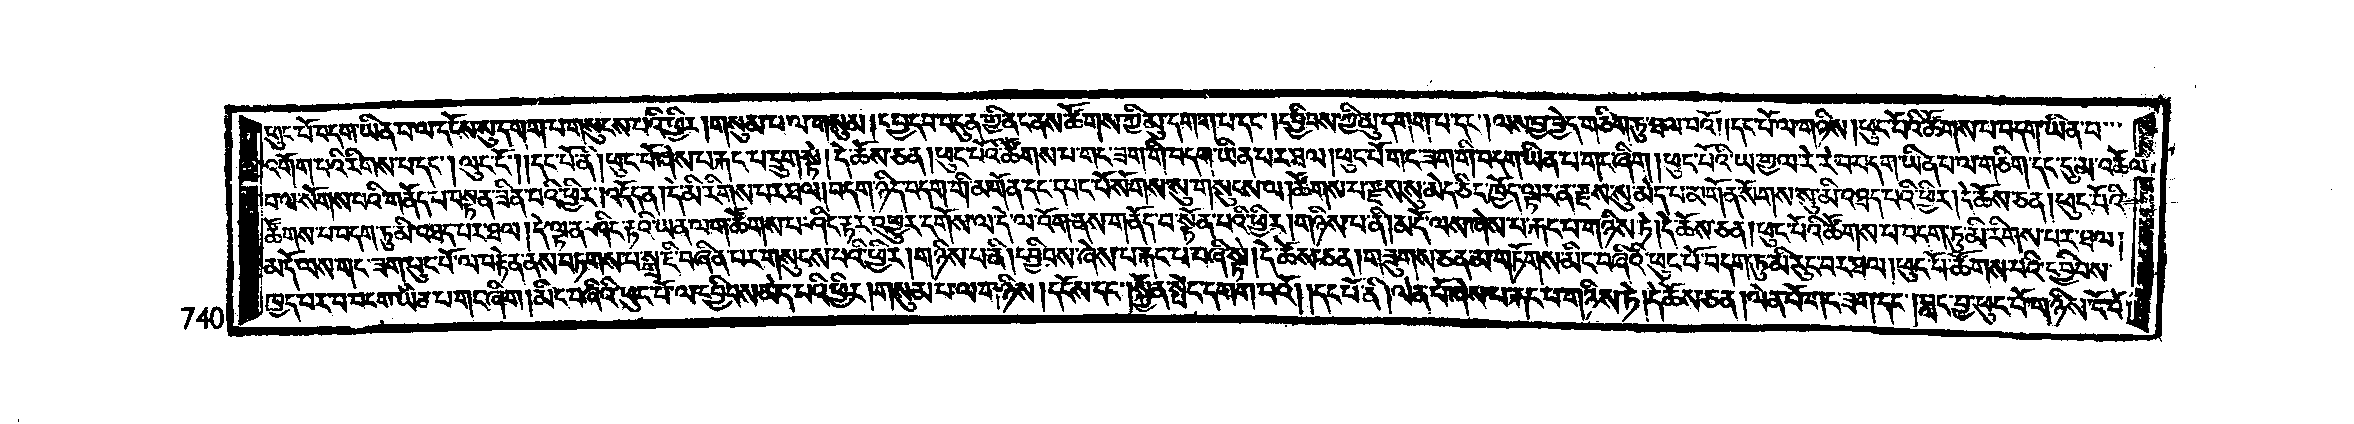ཕུང་པོ་བདག་ཡིན་པ་ལ་དངོས་སུ་དགག་པ་གསུངས་པའི་ཕྱིར། གསུམ་པ་ལ་གསུམ། དཔྱད་པ་བདུན་གྱི་ནང་ནས་ཚོགས་ཀྱི་མུ་དགག་པ་དང་། དབྱིབས་ཀྱི་མུ་དགག་པ་དང་། ལས་བྱ་བྱེད་གཅིག་ཏུ་ཐལ་བའོ། །དང་པོ་ལ་གཉིས། ཕུང་པོའི་ཚོགས་པ་བདག་ཡིན་པ་
འགོག་པའི་རིགས་པ་དང་། ལུང་ངོ། །དང་པོ་ནི། ཕུང་པོ་ཞེས་པ་རྐང་པ་དྲུག་སྟེ། དེ་ཆོས་ཅན། ཕུང་པོའི་ཚོགས་པ་གང་ཟག་གི་བདག་ཡིན་པར་ཐལ། ཕུང་པོ་གང་ཟག་གི་བདག་ཡིན་པ་གང་ཞིག །ཕུང་པོའི་ཡ་གྱལ་རེ་རེ་བ་བདག་ཡིན་པ་ལ་གཅིག་དང་དུ་མ་འཆོལ་
བ་ལ་སོགས་པའི་གནོད་པ་བསྟན་ཟིན་པའི་ཕྱིར། འདོད་ན། དེ་མི་རིགས་པར་ཐལ། བདག་ཉིད་བདག་གི་མགོན་དང་དབང་པོ་སོགས་སུ་གསུངས་ལ། ཚོགས་པ་རྫས་སུ་མེད་ཅིང་ཁྱོད་ལྟར་ན་རྫས་སུ་མེད་པ་མགོན་སོགས་སུ་མི་འཐད་པའི་ཕྱིར། དེ་ཆོས་ཅན། ཕུང་པོའི་
ཚོགས་པ་བདག་ཏུ་མི་འཐད་པར་ཐལ། དེ་ལྟ་ན་ཤིང་རྟའི་ཡན་ལག་ཚོགས་པ་ཤིང་རྟར་འགྱུར་དགོས་ལ་དེ་ལ་འོག་ནས་གནོད་པ་སྟོན་པའི་ཕྱིར། གཉིས་པ་ནི། མདོ་ལས་ཞེས་པ་རྐང་པ་གཉིས་ཏེ། དེ་ཆོས་ཅན། ཕུང་པོའི་ཚོགས་པ་བདག་ཏུ་མི་རིགས་པར་ཐལ།
མདོ་ལས་གང་ཟག་ཕུང་པོ་ལ་བརྟེན་ནས་བཏགས་པ་སྒྲ་ཇི་བཞིན་པར་གསུངས་པའི་ཕྱིར། གཉིས་པ་ནི། དབྱིབས་ཞེས་པ་རྐང་པ་བཞི་སྟེ། དེ་ཆོས་ཅན། གཟུགས་ཅན་མ་གཏོགས་མིང་བཞིའི་ཕུང་པོ་བདག་ཏུ་མི་རུང་བར་ཐལ། ཕུང་པོ་ཚོགས་པའི་དབྱིབས་
ཁྱད་པར་བ་བདག་ཡིན་པ་གང་ཞིག །མིང་བཞིའི་ཕུང་པོ་ལ་དབྱིབས་མེད་པའི་ཕྱིར། གསུམ་པ་ལ་གཉིས། དངོས་དང་། སྐྱོན་སྤོང་དགག་པའོ། །དང་པོ་ནི། ལེན་པོ་ཞེས་པ་རྐང་པ་གཉིས་ཏེ། དེ་ཆོས་ཅན། ལེན་པོ་གང་ཟག་དང་། བླང་བྱ་ཕུང་པོ་གཉིས་ངོ་བོ་